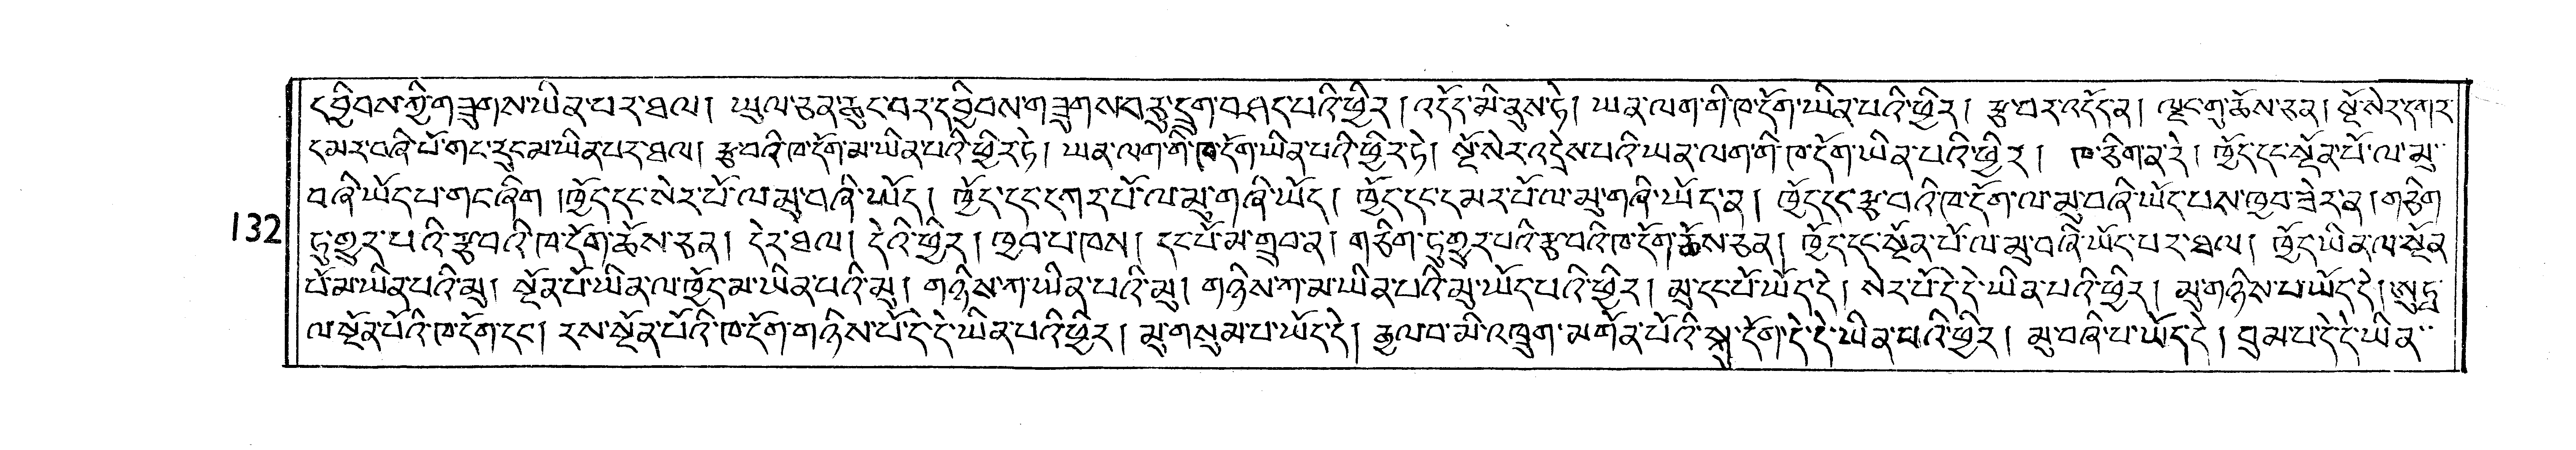དབྱིབས་ཀྱི་གཟུགས་ཡིན་པར་ཐལ། ཡུལ་ཅན་ཆུང་བར་དབྱིབས་གཟུགས་བཅུ་དྲུག་བཤད་པའི་ཕྱིར། འདོད་མི་ནུས་ཏེ། ཡན་ལག་གི་ཁ་དོག་ཡིན་པའི་ཕྱིར། རྩ་བར་འདོད་ན། ལྗང་གུ་ཆོས་ཅན། སྔོ་སེར་དཀར་
དམར་བཞི་པོ་གང་རུང་མ་ཡིན་པར་ཐལ། རྩ་བའི་ཁ་དོག་མ་ཡིན་པའི་ཕྱིར་ཏེ། ཡན་ལག་གི་ཁ་དོག་ཡིན་པའི་ཕྱིར་ཏེ། སྔོ་སེར་འདྲེས་པའི་ཡན་ལག་གི་ཁ་དོག་ཡིན་པའི་ཕྱིར། ཁ་ཅིག་ན་རེ། ཁྱོད་དང་སྔོན་པོ་ལ་མུ་
བཞི་ཡོད་པ་གང་ཞིག །ཁྱོད་དང་སེར་པོ་ལ་མུ་བཞི་ཡོད། ཁྱོད་དང་དཀར་པོ་ལ་མུ་གཞི་ཡོད། ཁྱོད་དང་དམར་པོ་ལ་མུ་གཞི་ཡོད་ན། ཁྱོད་དང་རྩ་བའི་ཁ་དོག་ལ་མུ་བཞི་ཡོད་པས་ཁྱབ་ཟེར་ན། གཅིག་
ཏུ་གྱུར་པའི་རྩ་བའི་ཁ་དོག་ཆོས་ཅན། དེར་ཐལ། དེའི་ཕྱིར། ཁྱབ་པ་ཁས། དང་པོ་མ་གྲུབ་ན། གཅིག་ཏུ་གྱུར་པའི་རྩ་བའི་ཁ་དོག་ཆོས་ཅན། ཁྱོད་དང་སྔོན་པོ་ལ་མུ་བཞི་ཡོད་པར་ཐལ། ཁྱོད་ཡིན་ལ་སྔོན་
པོ་མ་ཡིན་པའི་མུ། སྔོན་པོ་ཡིན་ལ་ཁྱོད་མ་ཡིན་པའི་མུ། གཉིས་ཀ་ཡིན་པའི་མུ། གཉིས་ཀ་མ་ཡིན་པའི་མུ་ཡོད་པའི་ཕྱིར། མུ་དང་པོ་ཡོད་དེ། སེར་པོ་དེ་དེ་ཡིན་པའི་ཕྱིར། མུ་གཉིས་པ་ཡོད་དེ། ཨུཏྤ་
ལ་སྔོན་པོའི་ཁ་དོག་དང་། རས་སྔོན་པོའི་ཁ་དོག་གཉིས་པོ་དེ་དེ་ཡིན་པའི་ཕྱིར། མུ་གསུམ་པ་ཡོད་དེ། རྒྱལ་བ་མི་འཁྲུག་མངོན་པོའི་སྐུ་དོག་དེ་དེ་ཡིན་པའི་ཕྱིར། མུ་བཞི་པ་ཡོད་དེ། བུམ་པ་དེ་དེ་ཡིན་